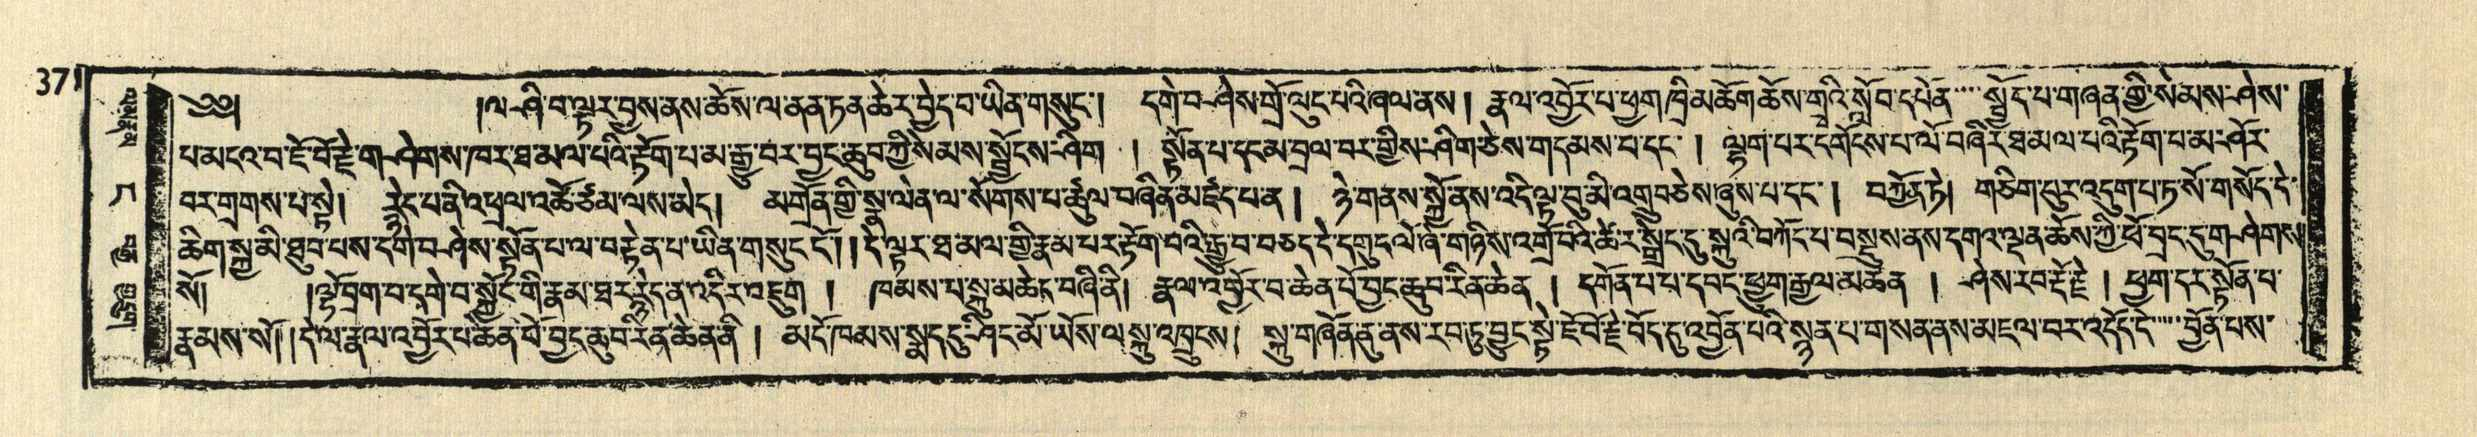༄༅། །ལ་ཤི་བ་ལྟར་བྱས་ནས་ཆོས་ལ་ནན་ཏན་ཆེར་བྱེད་བ་ཡིན་གསུང་། དགེ་བ་ཤེས་གྲོ་ལུང་པའི་ཞལ་ནས། རྣལ་འབྱོར་པ་ཕྱག་ཁྲི་མཆོག་ཆོས་གྲྭའི་སློབ་དཔོན་སྤྱོད་པ་གཞན་གྱི་སེམས་ཤེས་
པ་མངའ་བ་ཇོ་བོ་རྗེ་གཤེགས་ཁར་ཐ་མལ་པའི་རྟོག་པ་མ་རྒྱུ་བར་བྱང་ཆུབ་ཀྱི་སེམས་སྦྱོངས་ཤིག །སྟོན་པ་དང་མ་བྲལ་བར་གྱིས་ཤིག་ཅེས་གདམས་པ་དང་། ལྷག་པར་དགོངས་པ་ལོ་བཞིར་ཐ་མལ་པའི་རྟོག་པ་མ་ཤོར་
བར་གྲགས་པ་སྟེ། རྙེད་པ་ནི་འཕྲལ་འཚོ་ཙམ་ལས་མེད། མགྲོན་གྱི་སྣ་ལེན་ལ་སོགས་པ་ཚུལ་བཞིན་མཛད་པ་ན། ཉེ་གནས་སྐྱོ་ནས་འདི་ལྟ་བུ་མི་འགྲུབ་ཅེས་ཞུས་པ་དང་། བཀྱོན་ཏེ། གཅིག་པུར་འདུག་པ་ཏ་སོ་གསོད་དེ་
ཆིག་སྐྱ་མི་ཐུབ་པས་དགེ་བཤེས་སྟོན་པ་ལ་བརྟེན་པ་ཡིན་གསུང་ངོ། །དེ་ལྟར་ཐ་མལ་གྱི་རྣམ་པར་རྟོག་པའི་རྒྱུ་བ་བཅད་དེ་དགུང་ལོ་ཞེ་གཉིས་འགྲོ་བའི་ཚེ་ར་སྒྲེང་དུ་སྐུའི་བཀོད་པ་བསྡུས་ནས་དགའ་ལྡན་ཆོས་ཀྱི་ཕོ་བྲང་དུ་གཤེགས་
སོ། །ལྷོ་བྲག་བ་དགེ་བ་སྐྱོང་གི་རྣམ་ཐར་རྙེད་ན་འདིར་འཇུག །ཁམས་པ་སྐུ་མཆེད་བཞི་ནི། རྣལ་འབྱོར་བ་ཆེན་པོ་བྱང་ཆུབ་རིན་ཆེན། དགོན་པ་པ་དབང་ཕྱུག་རྒྱལ་མཚན། ཤེས་རབ་རྡོ་རྗེ། ཕྱག་དར་སྟོན་པ་
རྣམས་སོ། །དེ་ལ་རྣལ་འབྱོར་པ་ཆེན་པོ་བྱང་ཆུབ་རིན་ཆེན་ནི། མདོ་ཁམས་སྨད་དུ་ཤིང་མོ་ཡོས་ལ་སྐུ་འཁྲུངས། སྐུ་གཞོན་ནུ་ནས་རབ་ཏུ་བྱུང་སྟེ་ཇོ་བོ་རྗེ་བོད་དུ་འབྱོན་པའི་སྙན་པ་གསན་ནས་མཇལ་བར་འདོད་དེ་བྱོན་པས་